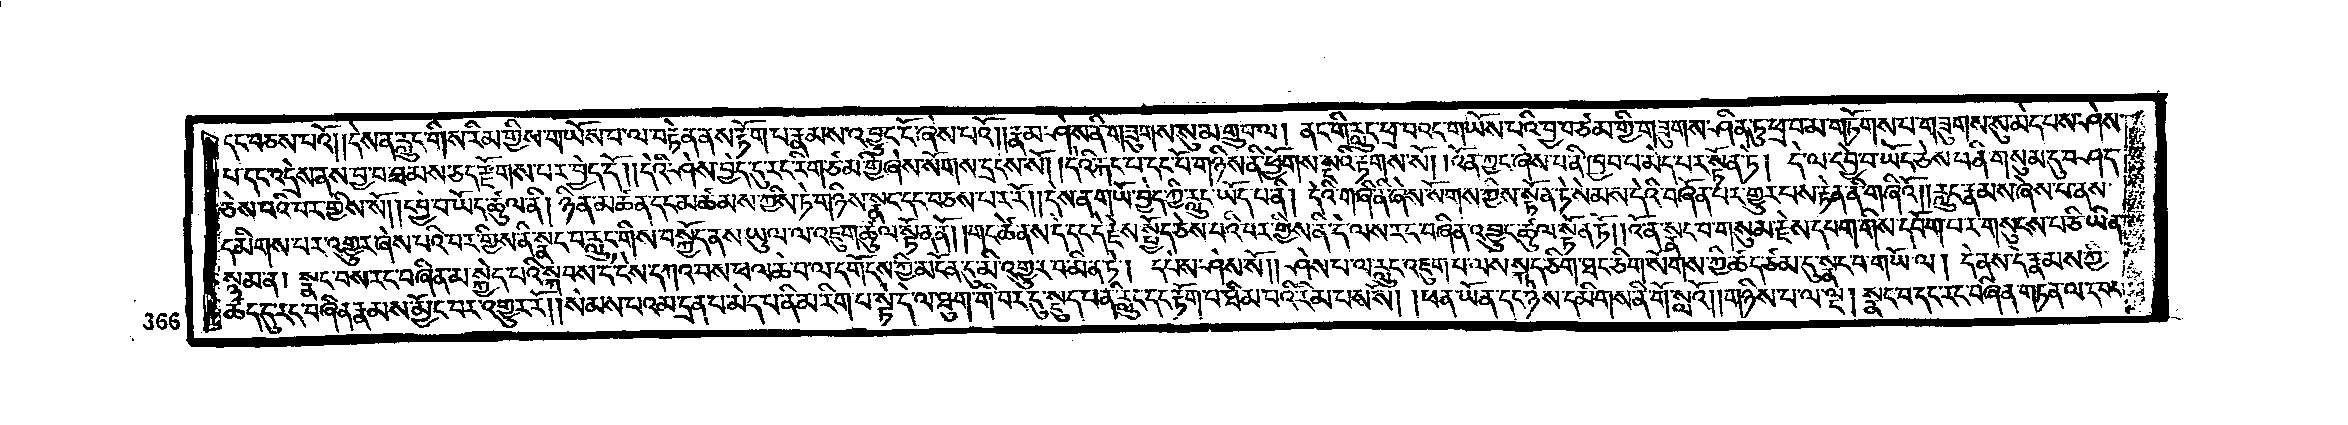དང་བཅས་པའོ། །དེས་ན་རླུང་གིས་རིམ་གྱིས་གཡོས་པ་ལ་བརྟེན་ནས་རྟོག་པ་རྣམས་འབྱུང་ངོ་ཞེས་པའོ། །རྣམ་ཤེས་ནི་གཟུགས་སུ་མ་གྲུབ་ལ། ནང་གི་རླུང་ཕྲ་བའང་གཡོས་པའི་བྱ་བ་ཙམ་གྱི་གཟུགས་ཤིན་ཏུ་ཕྲ་བ་མ་གཏོགས་པ་གཟུགས་སུ་མེད་པས་ཤེས་
པ་དང་འདྲེས་ནས་བྱ་བ་ཐམས་ཅད་རྫོགས་པར་བྱེད་དོ། །དེའི་ཤེས་བྱེད་དུ་རང་རིག་ཙམ་གྱི་ཞེས་སོགས་དྲངས་སོ། །དེའི་རྐང་པ་དང་པོ་གཉིས་ནི་ཕྱོགས་སྔའི་རྟགས་སོ། །འོན་ཀྱང་ཞེས་པ་ནི་ཁྱབ་པ་མེད་པར་སྟོན་ཏེ། དེ་ལ་དབྱེ་བ་ཡོད་ཅེས་པ་ནི་གསུམ་དུ་བཤད་
ཅེས་པའི་བར་གྱིས་སོ། །དབྱེ་བ་ཡོད་ཚུལ་ནི། ཉིན་མཚན་དང་མཚམས་ཀྱིས་ཏེ་གཉིས་སྣང་དང་བཅས་པར་རོ། །དེས་ན་གཡོ་བྱེད་ཀྱི་རླུང་ཡོད་པ་ནི། དེའི་གཞི་ནི་ཞེས་སོགས་ཀྱིས་སྟོན་ཏེ་སེམས་དེའི་བཞོན་པར་གྱུར་པས་རྟེན་ནི་གཞིའོ། །རླུང་རྣམས་ཞེས་པ་ནས་
དམིགས་པར་འགྱུར་ཞེས་པའི་བར་གྱིས་ནི་སྣང་བ་རླུང་གིས་བསྐྱོད་ནས་ཡུལ་ལ་འཇུག་ཚུལ་སྟོན་ནོ། །གང་ཚེ་ནས་དེ་དང་དེ་རྗེས་སྤྱོད་ཅེས་པའི་བར་གྱིས་ནི་དེ་ལས་རང་བཞིན་འབྱུང་ཚུལ་སྟོན་ཏོ། །འོ་ན་སྣང་བ་གསུམ་རྗེས་དཔག་གིས་དཔོག་པར་གསུངས་པ་ཅི་ཡིན་
སྙམ་ན། སྣང་བས་རང་བཞིན་མ་སྐྱེད་པའི་སྐབས་དེ་ངེས་དཀའ་བས་ཕལ་ཆེ་བ་ལ་དགོངས་ཀྱི་མངོན་དུ་མི་འགྱུར་བ་མིན་ཏེ། དཔེས་ཤེས་སོ། །ཤེས་པ་ལ་རླུང་འཇུག་པ་ལས་སྐད་ཅིག་ཐང་ཅིག་སོགས་ཀྱི་ཚད་ཙམ་དུ་སྣང་བ་གཡོ་ལ། དེ་ནས་དེ་རྣམས་ཀྱི་
ཚད་དུ་རང་བཞིན་རྣམས་མྱོང་བར་འགྱུར་རོ། །སེམས་པའམ་དྲན་པ་མེད་པ་ནི་མ་རིག་པ་སྟེ་དེ་ལ་ཐུག་གི་བར་དུ་སྡུད་པ་ནི་རླུང་དང་རྟོག་པ་ཐིམ་པའི་རིམ་པས་སོ། །ཕན་ཡོན་དང་ཉེས་དམིགས་ནི་གོ་སླའོ། །གཉིས་པ་ལ་ལྔ། སྣང་བ་དང་རང་བཞིན་གཏན་ལ་དབབ་